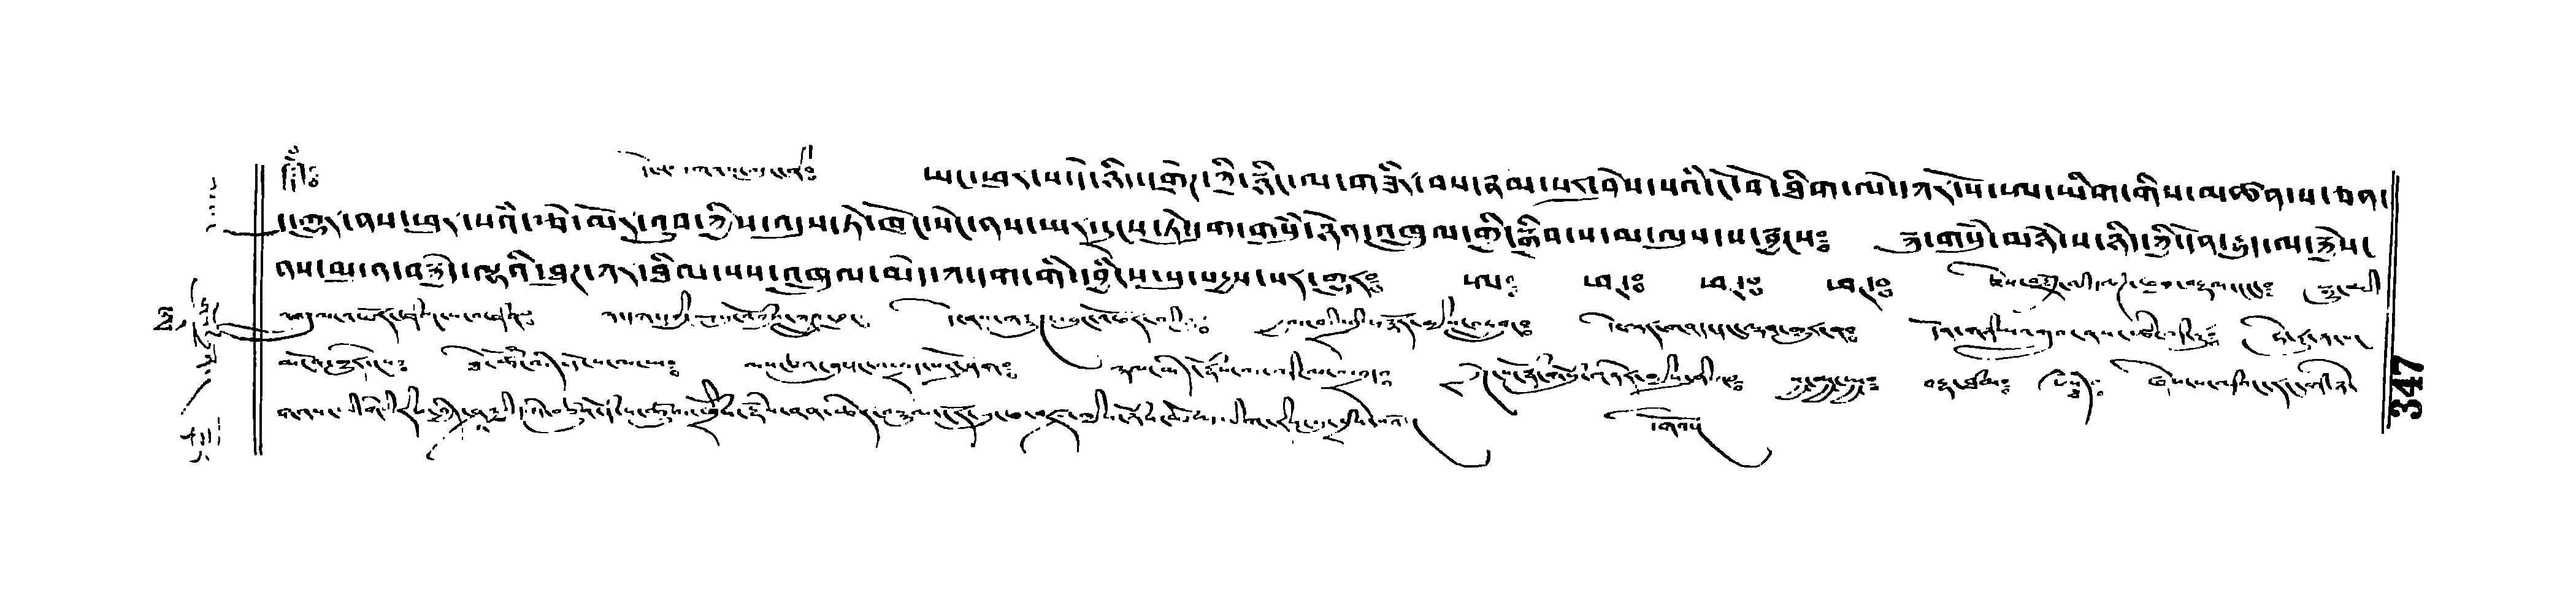དེ་ནས་གནས་ལུང་ནི༔ ཡང་ཕུར་པ་དེ་ཉིད་དགྲ་བགཻགས་ཀྱི་སྙིང་ལ་གཟིར་བས་རྣམ་པར་ཤེས་པའི་ངོ་བོ་ཐིག་ལེ་དཀར་པོ་ཨ་ཡིག་གིས་མཚན་པ་ཅན་
དུ་གྱུར་ནས་ཕུར་པའིརྩེ་མོར་འུབ་ཀྱིས་འདུས་ཏེ་ཁོང་སེང་ནས་ཡར་དྲངས་ཏེ་དུག་གསུམ་ཉོན་འཁྲུལ་གྱི་སྒྲིབ་པ་མ་ལུས་པ་སྦྱངས༔ སྐུ་གསུམ་མཉམ་པ་ཉིད་ཀྱི་དོན་རྒྱུད་ལ་སྐྱེས་
ནས་མདུན་བསྐྱེད་ལྷའི་ཐུགས་ཀར་ཐིམ་པས་འཁྲུལ་མེད་ཀ་དག་གི་དབྱིངས་སུ་སངས་རྒྱས་པར་གྱུར༔ ཨཱཿ ཕཊཿ ཕཊཿ ཕཊཿ ཅེས་བརྗོད་མི་དམིགས་ཁྱབ་བརྡལ་ངང༔ སྒྱུ་མའི་
འཕྲུལ་འཁོར་ཞིག་པ་བཞིན༔ ཀ་དག་དབྱིངས་སུ་འབྱམས་བླས་བྱ༔ དེ་ནས་གཟུགས་ཕུང་འཁོར་བའི་རྒྱུ༔ རྒྱལ་བའི་ཕྲིན་ལས་ཟོར་གྱིས་བརླག༔ དེ་ལྟར་གནད་དང་ལྡན་གྱུར་ན༔ དོན་གཉིས་གྲུབ་ནས་ཚེ་འདི་རུ༔ ཧེ་རུ་ཀ་པ་
མངོན་གྱུར་ངེས༔ ཐེ་ཚོམ་མེད་དོ་ས་མ་ཡ༔ ལས་ཅན་བུ་དང་འཕྲད་པར་ཤོག༔ སྐལ་མེད་རྣམས་ལ་འདི་མ་འཕྲད༔ དྲེགས་པ་རྣམ་གསུམ་གཉེར་གྱིས་ཤིག༔ ས་མ་ཡཿ རྒྱ་རྒྱ་རྒྱ༔ བརྡ་ཐིམ༔ ༔ ཞེས་པ་འདིའང་རང་གི་ཉེ་
གནས་ཡི་གེའི་རིག་བྱེད་ཤཱཀྱའི་དགེ་བཙུན་དམ་པ་ཚུལ་ཁྲིམས་རྡོ་རྗེས་ནན་ཆེར་བསྐུལ་ངོར་སུ་ཁ་བཛྲ་གྱིས་ཉམས་ཆོས་ཡིག་རིས་སུ་བྲིས་པའོ།། མངྒ་ལམ།།